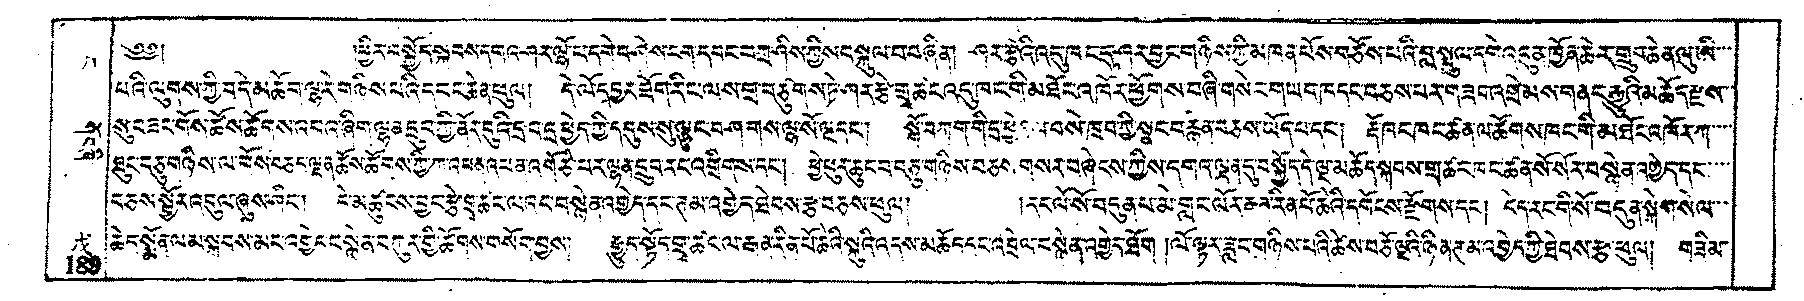༄༅། །ཕྱིར་བསྐྱོད་སྐབས་དགའ་ཤར་ལྷོ་པ་དགེ་བཤེས་ངག་དབང་བཀྲ་ཤིས་ཀྱིས་བསྐུལ་བ་བཞིན། ཤར་རྩེའི་འདུ་ཁང་དུ་ཤར་བྱང་གཉིས་ཀྱི་མཁན་པོས་གཙོས་པའི་བླ་སྤྲུལ་དགེ་འདུན་ཁྱོན་ཆེར་གྲུབ་ཆེན་ལུ་ཨི་
པའི་ལུགས་ཀྱི་བདེ་མཆོག་ལྷ་རེ་གཉིས་པའི་དབང་ཆེན་ཕུལ། དེ་ལོ་དབྱར་ཐོག་རིང་ལས་གྲ་བཙུགས་ཏེ་ཤར་རྩེ་གྲྭ་ཚང་འདུ་ཁང་གི་མཐོང་འཁོར་ཕྱོགས་བཞི་གསེང་གཡབ་ཁ་དང་བཅས་པར་གཟབ་འགྲེམས་གནང་རྒྱུའི་མཆོད་རྫས་
སུ་བཟང་གོས་ཚོས་ཚོགས་འབའ་ཞིག་ལྷན་དྲུབ་ཀྱི་ནོར་བུའི་དྲ་བ་དྲ་ཕྱེད་ཀྱི་དབུས་སུ་ལྟུང་བཤགས་ལྷ་སོ་ལྔ་དང་། སྒོ་བཀག་གི་དྲ་ཕྱེད་ལ་བསེ་ཁྲབ་ཀྱི་སྣང་བརྙན་བཅས་ཡོད་པ་དང་། རྡོ་ཁང་ཁང་ཚན་ལ་ཚོགས་ཁང་གི་མཐོང་འཁོར་ཀ་
ཐུང་བཅུ་གཉིས་ལ་གོས་བཅད་ལྡན་ཚོས་ཚོགས་ཀྱི་ཀ་འཕན་འཕན་འགོ་ཙི་པར་ལྷན་དྲུབ་རང་འགྲིགས་དང་། ཕྱེ་ཕུར་ཆུང་བ་བཅུ་གཉིས་བཅས་གསར་བཞེངས་ཀྱིས་དགའ་ལྡན་དུ་བསྐྱོད་དེ་ལྔ་མཆོད་སྐབས་གྲྭ་ཚང་ཁང་ཚན་སོ་སོར་བསྙེན་འགྱེད་དང་
བཅས་སྦྱོར་འབུལ་ཞུས་ཤིང་། དེ་མཚུངས་བྱང་རྩེ་གྲྭ་ཚང་ལའང་བསྙེན་འགྱེད་དང་ཊམ་འགྱེད་ཐེབས་རྩ་བཅས་ཕུལ། །རང་ལོ་སོ་བདུན་པ་མེ་གླང་ལོར་རྒན་རིན་པོ་ཆེའི་དགོངས་རྫོགས་དང་། ངེད་རང་གི་སོ་བདུན་སྐེག་སེལ་
ཆེད་སྨོན་ལམ་སྐབས་མང་འགྱེད་བསྙེན་བཀུར་གྱི་ཚོགས་གསོག་བྱས། རྒྱུད་སྟོད་གྲྭ་ཚང་ལ་རྒན་རིན་པོ་ཆེའི་སྐུའི་འདས་མཆོད་དང་འབྲེལ་བསྙེན་འགྱེད་ཐོག །ལོ་ལྟར་ཟླ་བ་གཉིས་པའི་ཚེས་བཅོ་ལྔའི་ཉིན་ཊམ་འགྱེད་ཀྱི་ཐེབས་རྩ་ཕུལ། གཟིམ་